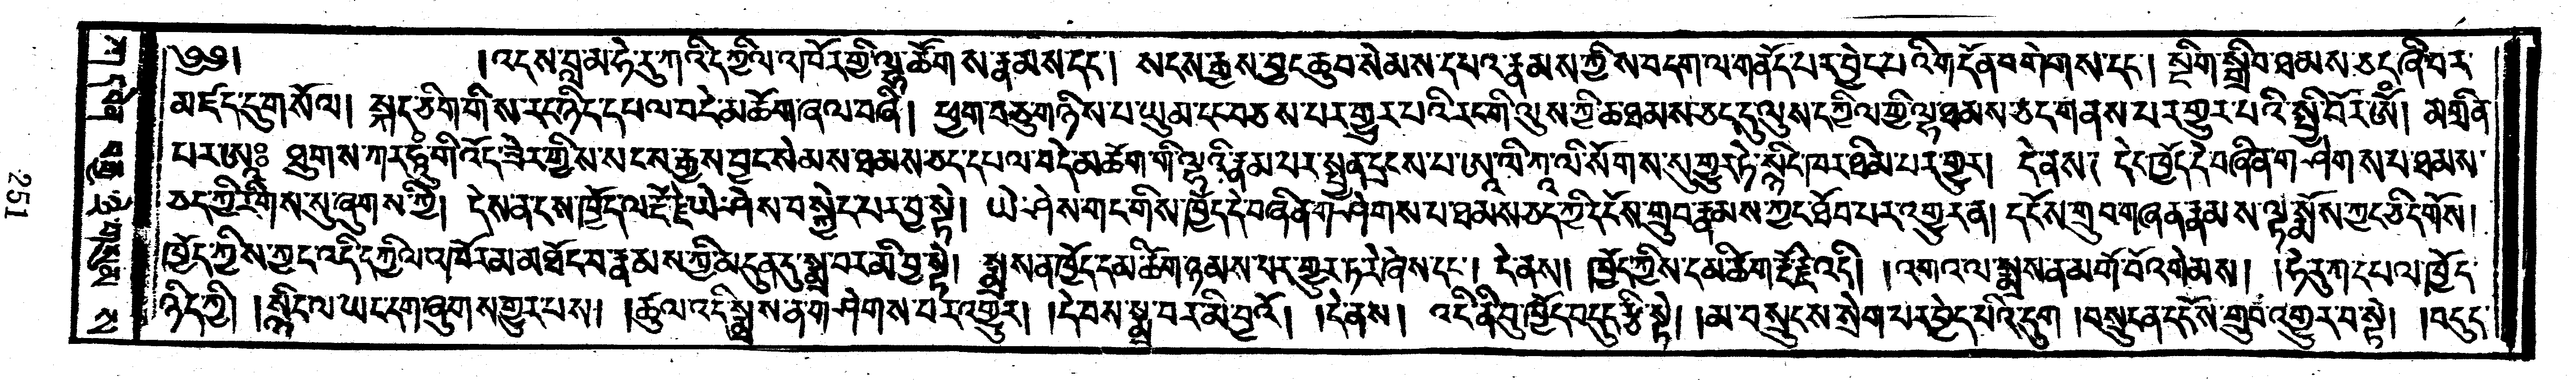༄༅། །འདས་བླ་མ་ཧེ་རུ་ཀའི་དཀྱིལ་འཁོར་གྱི་ལྷ་ཚོགས་རྣམས་དང་། སངས་རྒྱས་བྱང་ཆུབ་སེམས་དཔའ་རྣམས་ཀྱིས་བདག་ལ་གནོད་པར་བྱེད་པའི་གདོན་བགེགས་དང་། སྡིག་སྒྲིབ་ཐམས་ཅད་ཞི་བར་
མཛད་དུ་གསོལ། སྐད་ཅིག་གིས་རང་ཉིད་དཔལ་བདེ་མཆོག་ཞལ་བཞི། ཕྱག་བཅུ་གཉིས་པ་ཡུམ་དང་བཅས་པར་གྱུར་པའི་རང་གི་ལུས་ཀྱི་ཆ་ཐམས་ཅད་དུ་ལུས་དཀྱིལ་གྱི་ལྷ་ཐམས་ཅད་གནས་པར་གྱུར་པའི་སྤྱི་བོར་ཨོཾ། མགྲིན་
པར་ཨཱཿ ཐུགས་ཀར་ཧཱུཾ་གི་འོད་ཟེར་གྱིས་སངས་རྒྱས་བྱང་སེམས་ཐམས་ཅད་དཔལ་བདེ་མཆོག་གི་ལྷའི་རྣམ་པར་སྤྱན་དྲངས་པ་ཨཱ་ལི་ཀཱ་ལི་སོགས་སུ་གྱུར་ཏེ་སྙིང་ཁར་ཐིམ་པར་གྱུར། དེ་ནས༑ དེང་ཁྱོད་དེ་བཞིན་གཤེགས་པ་ཐམས་
ཅད་ཀྱི་རིགས་སུ་ཞུགས་ཀྱི། དེས་ན་ངས་ཁྱོད་ལ་རྡོ་རྗེ་ཡེ་ཤེས་བསྐྱེད་པར་བྱ་སྟེ། ཡེ་ཤེས་གང་གིས་ཁྱོད་དེ་བཞིན་གཤེགས་པ་ཐམས་ཅད་ཀྱི་དངོས་གྲུབ་རྣམས་ཀྱང་ཐོབ་པར་འགྱུར་ན། དངོས་གྲུབ་གཞན་རྣམས་ལྟ་སྨོས་ཀྱང་ཅི་དགོས།
ཁྱོད་ཀྱིས་ཀྱང་འདི་དཀྱིལ་འཁོར་མ་མཐོང་བ་རྣམས་ཀྱི་མདུན་དུ་སྨྲ་བར་མི་བྱ་སྟེ། སྨྲས་ན་ཁྱོད་དམ་ཚིག་ཉམས་པར་གྱུར་ཏ་རེ་ཞེས་དང་། དེ་ནས། ཁྱོད་ཀྱིས་དམ་ཚིག་རྡོ་རྗེ་འདི། །འགའ་ལ་སྨྲས་ན་མགོ་བོ་འགེམས། །ཧེ་རུ་ཀ་དཔལ་ཁྱོད་
ཉིད་ཀྱི། །སྙིང་ལ་ཡང་དག་ཞུགས་གྱུར་པས། །ཚུལ་འདི་སྨྲས་ན་གཤེགས་པར་འགྱུར། །དེ་བས་སྨྲ་བར་མི་བྱའོ། །དེ་ནས། འདི་ནི་བུ་ཁྱོད་བདུད་རྩི་སྟེ། །མ་བསྲུངས་སྲེག་པར་བྱེད་པའི་དུག །བསྲུང་ན་དངོས་གྲུབ་འགྱུར་བ་སྟེ། །བདུད་